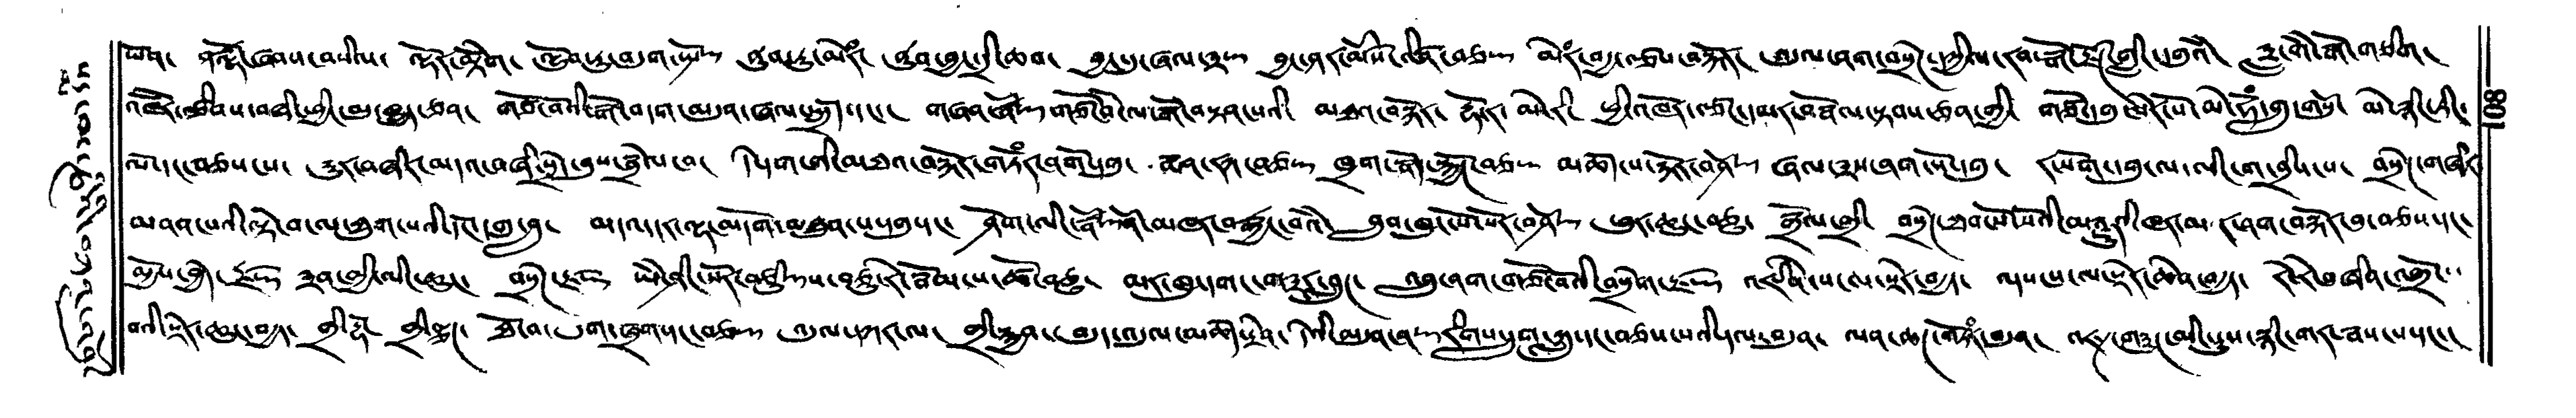༡༠༨༽ ཡོན། ཤར་ལྷོར་ཞབས་བསིལ། ལྷོར་མེ་ཏོག ལྷོ་ནུབ་ཏུ་བདུག་སྤོས། ནུབ་ཏུ་མར་མེ། ནུབ་བྱང་དུ་དྲི་ཆབ། བྱང་དུ་ཞལ་ཟས། བྱང་ཤར་དུ་མཚམས་འཛིན་བཅས་མར་མེ་བརྒྱ་རྩས་བསྐོར། འདུལ་ནག་སྲེག་དཀྱིལ་རབ་སྒོ་རྫོགས་གླིང་དགུའམ། ཟླ་གམ་སྒོ་གཅིག 
འཁོར་ལོ་རྩིབས་བཞི་ཕྱི་མུ་ཁྱུད་ཅན། གཙོ་བོའི་སྒོ་བདག་མདུན་ཞལ་སྤྲོད་དང་། གཞན་རྣམས་གཙོ་བོ་ལ་སྒོ་བསྟན་པའི་མཐའ་བསྐོར། རྡོ་ར། མེ་རི། ཕྱི་འཁོར་རྩང་དམར་བསྣོལ་སྟབས་ཅན་གྱི་ གཙོ་དགུ་སེར་པོ་མེ་ཧོམ་གྲུ་གསུམ་ མེ་སྙིང་ཏིང་
ལོ་དང་བཅས་པ། ཟུར་བཞིར་མདའ་བཞི་སྲད་བུས་སྦྲེལ་བ། དེ་དག་གི་མཐའ་བསྐོར་དུ་གཏོར་མ་ནག་པོ་དགུ་དང་སྨན་རཀ ཁྲག་སྣོད་སྐྱོགས་བཅས། མཆོད་པ་སྐོར་བཤམ། ཞལ་ཟས་ནག་པོ་དགུ། ར་སོག་དགུ་ལ་ལིངྒ་བྲིས་པ། སྲེག་གཞིར་
མནན་པའི་ལྟེ་བ་ལ་ཐུག་པའི་དོང་དགུ་བྲུ། མདའ་དར་ལྷ་མདོག་མཐུན་པ་དགུ་དང་། ཤོག་ལིང་རྣམས་ནམ་མཁར་བརྒྱངས་བའམ། བྲུབ་ཁུང་སོ་སོར་བཤམ། ཕུར་ཆུང་བཅུ། སྒྲོལ་གྲི། སྲེག་ཐབ་སོ་སོར་མཉྫུའི་ཁར་མར་ནག་བསྐོར་བ་བཅས་དང་། 
མྱོས་བྱེད་རྫས། ཟན་གྱི་ལིང་ཆུང་། སྲེག་རྫས། ཡམ་ཤིང་སོར་བཅུ་གཉིས་པ་བཅུ་རེ། སྦོམ་པ་ཚོ་བཅུ། མར་ཁུ། དགང་གཟར་བླུགས། འབྲུ་ནག་གིས་གཙོས་པའི་སྲེག་རྫས། འཇིག་རྟེན་ས་ལ་སྡེར་བརྒྱད། འདས་པ་ལ་སྡེར་ཆེན་བརྒྱད། རེ་རེ་བཞིན་འགྲོ་
བའི་སྡེར་ཆུང་བརྒྱད། གྲི་རྡོ། གྲི་ལྕགས། ཐོ་བ། དུག་ཁྲག་དང་བཅས། འདུལ་དཀར་ལ། གྲི་སྐྱབ། བདུད་འདུལ་མཆོད་རྟེན། དེའི་མདུན་ནས། རིགས་དྲུག་ཀླུ་དང་བཅས་པའི་དལ་བདུན། ལན་ཆགས་གཏོར་མ་བདུན། འཇག་གཟུགས་མིང་རུས་སྙིང་གར་སྦས་པ་དང་།